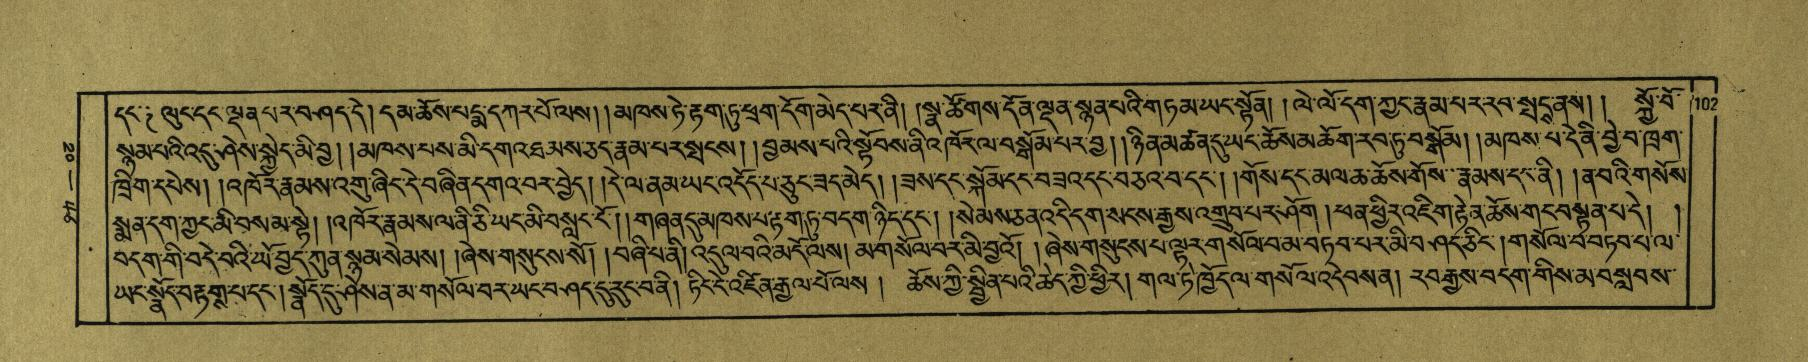དང༑ ལུང་དང་ལྡན་པར་བཤད་དེ། དམ་ཆོས་པདམ་དཀར་པོ་ལས། །མཁས་ཏེ་རྟག་ཏུ་ཕྲག་དོག་མེད་པར་ནི། །སྣ་ཚོགས་དོན་ལྡན་སྙན་པའི་གཏམ་ཡང་སྟོན། །ལེ་ལོ་དག་ཀྱང་རྣམ་པར་རབ་སྤངས་ནས། །སྐྱོ་བོ་
སྙམ་པའི་འདུ་ཤེས་སྐྱེད་མི་བྱ། །མཁས་པས་མི་དགའ་ཐམས་ཅད་རྣམ་པར་སྤངས། །བྱམས་པའི་སྟོབས་ནི་འཁོར་ལ་བསྒོམ་པར་བྱ། །ཉིན་མཚན་དུ་ཡང་ཆོས་མཆོག་རབ་ཏུ་བསྒོམ། །མཁས་པ་དེ་ནི་བྱེ་བ་ཁྲག་
ཁྲིག་དཔེས། །འཁོར་རྣམས་འགུ་ཞིང་དེ་བཞིན་དགའ་བར་བྱེད། །དེ་ལ་ནམ་ཡང་འདོད་པ་ཅུང་ཟད་མེད། །ཟས་དང་སྐོམ་དང་བཟའ་དང་བཅའ་བ་དང་། །གོས་དང་མལ་ཆ་ཆོས་གོས་རྣམས་དང་ནི། །ན་བའི་གསོས་
སྨན་དག་ཀྱང་མི་བསམ་སྟེ། །འཁོར་རྣམས་ལ་ནི་ཅི་ཡང་མི་བསླང་ངོ། །གཞན་དུ་མཁས་པ་རྟག་ཏུ་བདག་ཉིད་དང་། །སེམས་ཅན་འདི་དག་སངས་རྒྱས་འགྲུབ་པར་ཤོག །ཕན་ཕྱིར་འཇིག་རྟེན་ཆོས་གང་བསྟན་པ་དེ།།
བདག་གི་བདེ་བའི་ཡོ་བྱད་ཀུན་སྙམ་སེམས། །ཞེས་གསུངས་སོ། །བཞི་པ་ནི། འདུལ་བའི་མདོ་ལས། མ་གསོལ་བར་མི་བྱའོ། །ཞེས་གསུངས་པ་ལྟར་གསོལ་བ་མ་བཏབ་པར་མི་བཤད་ཅིང་། གསོལ་བ་བཏབ་པ་ལ་
ཡང་སྣོད་བརྟགས་པ་དང་། སྣོད་དུ་ཤེས་ན་མ་གསོལ་བར་ཡང་བཤད་དུ་རུང་བ་ནི། ཏིང་ངེ་འཛིན་རྒྱལ་པོ་ལས། ཆོས་ཀྱི་སྦྱིན་པའི་ཆེད་ཀྱི་ཕྱིར། གལ་ཏེ་ཁྱོད་ལ་གསོལ་འདེབས་ན། རབ་རྒྱས་བདག་གིས་མ་བསླབས་